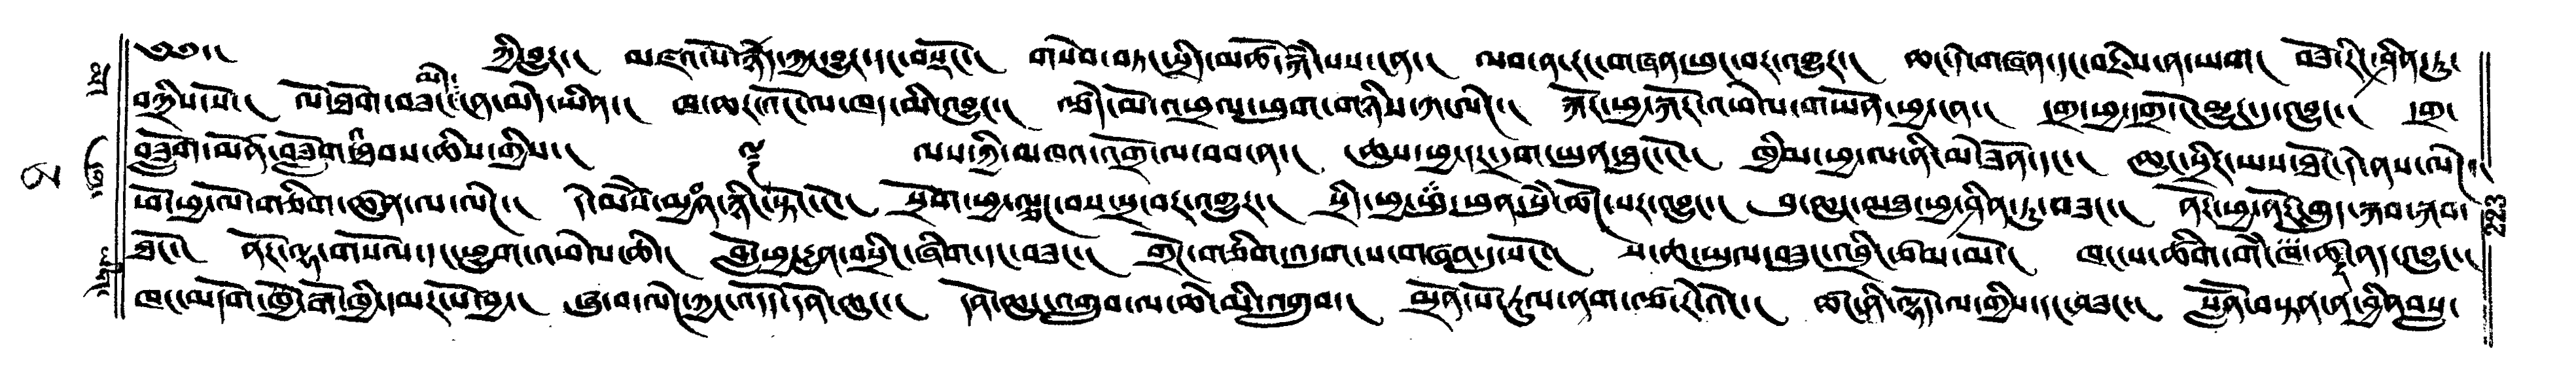ཀྱི་བྱུར། །མཛའ་པོ་རྙེད་ཀྱང་བྱུར་དང་བསྡོང་། །གསེབ་བཏང་སྲིད་མཚོ་སྐམ་པས་ངན། །ལབ་ན་རང་གཞན་ཕུང་བར་འགྱུར། །ཆང་དེ་གཞན་དང་བརྗེས་ན་ཡག །བཟོ་རིགས་ཤིན་ཏུ་
བཀྲ་ཤིས་སོ། །ལོ་ཐོག་བཟང་མེད་ངན་མེད་ཡིན། ཁ་ཆར་འོང་ལ་ཁད་མི་འབྱུང་། །རྩེད་མོ་འཕྲལ་ཕུགས་གཉིས་ཀ་ལེགས། །སྐོར་ཕྱྭ་སྐོར་འཕེལ་གཡོན་ཕྱྭ་ངན། །དགྲ་ཕྱྭ་དགྲ་ངོ་མྱུར་དུ་འབྱུང་། །དགྲ་
བཟློག་མཚོན་བཟློག་ཐབས་མཆིས་གྱིས། ༈ ལས་ཀྱི་མཁའ་འགྲོ་ལ་བབས་ན། ཆུས་ཕྱྭ་དར་དྲག་ཡུན་ཐུང་ངོ་། ཁྱིམ་ཕྱྭ་ལ་ནི་མེ་ཟོན་དང་། ཆུང་སྲིར་ཡས་ཐོང་དེ་ནས་ལེགས། །
ཕོ་ཕྱྭ་ལོ་གཅིག་ཚུན་ལ་ལེགས། །དེ་མཚམས་མྱ་ངན་སྙིང་སྟོང་ངོ་། །སྲོག་ཕྱྭ་ལྕགས་བས་སྲ་བར་འགྱུར། །སྲིད་ཕྱྭ་ཕུན་སུམ་ཚོགས་པར་འབྱུང་། །བུ་ཆུང་མཐུ་ཕྱྭ་ཤིན་ཏུ་བཟང་། །ནོར་ཕྱྭ་ནོར་གླུད་སྐབ་སྐབ་
ཐོངས། །ནོར་ལྷ་གསོལ་དང་ཕྱུགས་འཕེལ་ཆེ། །བློ་ཕྱྭ་རྒྱུན་བསྲིང་ཞིག་དང་བཟང་། །གྲོགས་གཅིག་འདུག་པ་གཞན་དུ་སོང་། །ས་ཆ་ཡུལ་བཟུང་འབྲིང་ཙམ་མོ། ཁང་པ་ཚིག་གམ་ཚད་ནད་འབྱུང་། །
ཁང་མདོག་ཁྱོ་སྒོ་ཁྱི་དམར་བྱ། །ཞུ་བ་ལེགས་ཀྱང་འདོད་དོན་ཆུང་། །དོན་ཆུང་འགྲུབ་ལ་ཆེ་མི་འགྲུབ། །མགྲཽན་པོ་རྡུལ་ནག་ཙ་རེ་འོང་། །ཆང་ནི་ལྷོད་ལ་གྱིས་དང་བཟང་། །སློབ་དཔོན་བསྟེན་ན་བྱིན་རླབས་